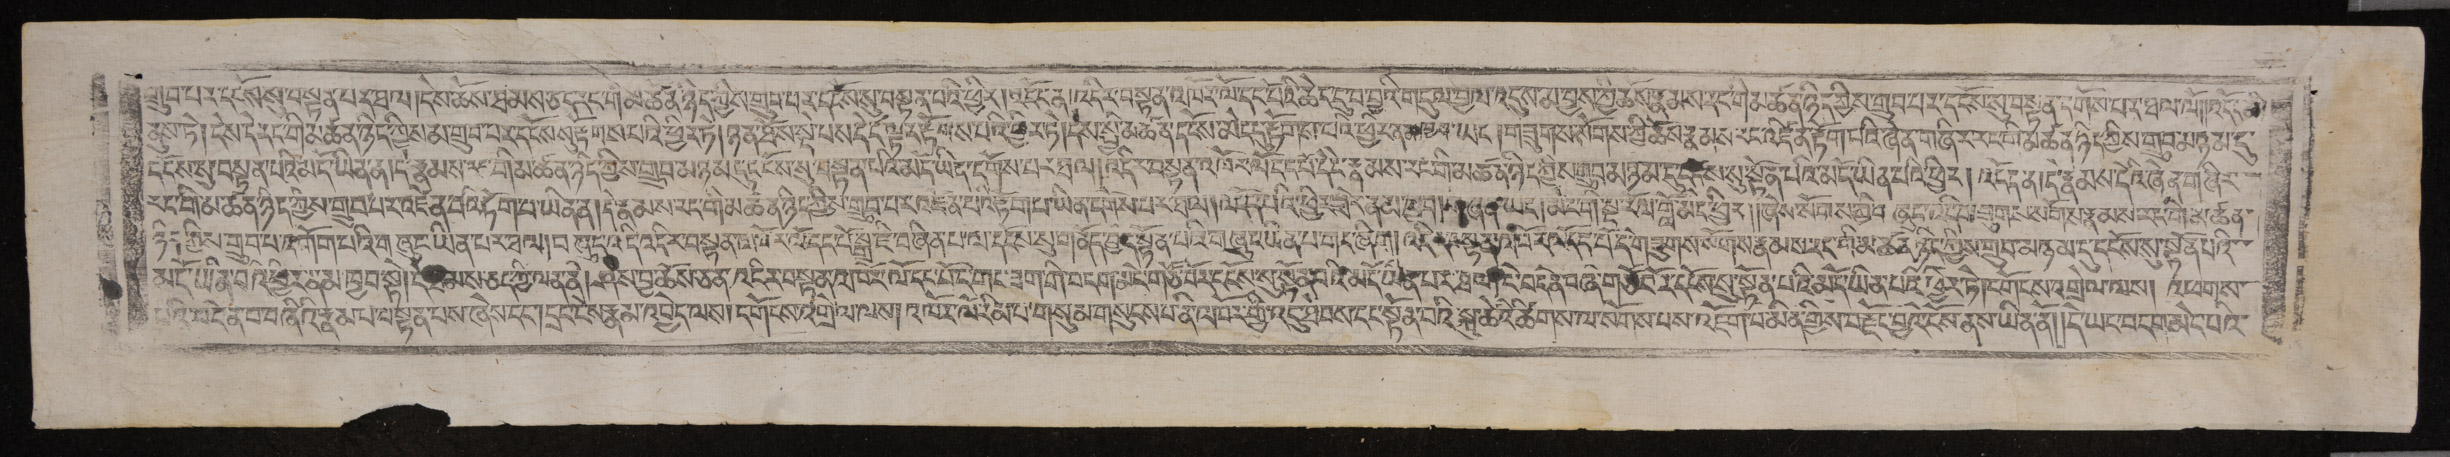གྲུབ་པར་དངོས་སུ་བསྟན་པར་ཐལ། དེས་ཆོས་ཐམས་ཅད་རང་གི་མཚན་ཉིད་ཀྱིས་གྲུབ་པར་དངོས་སུ་བསྟན་པའི་ཕྱིར། འདོད་ན། འདིར་བསྟན་འཁོར་ལོ་དང་པོའི་ཆེད་དུ་བྱ་བའི་གདུལ་བྱ་ལ་འདུས་མ་བྱས་ཀྱི་ཆོས་རྣམས་རང་གི་མཚན་ཉིད་ཀྱིས་གྲུབ་པར་དངོས་སུ་བསྟན་དགོས་པར་ཐལ་ལོ། །འདོད་མི་
ནུས་ཏེ། དེས་དེ་རང་གི་མཚན་ཉིད་ཀྱིས་མ་གྲུབ་པར་དངོས་སུ་རྟོགས་པའི་ཕྱིར་ཏེ། ཉན་ཐོས་སྡེ་པས་དེ་དེ་ལྟར་རྟོགས་པའི་ཕྱིར་ཏེ། དེས་སྤྱི་མཚན་དངོས་མེད་དུ་རྟོགས་པའི་ཕྱིར་ན་མ་ཁྱབ་ཡང་། གཟུགས་སོགས་ཀྱི་ཆོས་རྣམས་རང་འཛིན་རྟོག་པའི་ཞེན་གཞིར་རང་གི་མཚན་ཉིད་ཀྱིས་གྲུབ་མཉམ་དུ་
དངོས་སུ་བསྟན་པའི་མདོ་ཡིན་ན། དེ་རྣམས་རང་གི་མཚན་ཉིད་ཀྱིས་གྲུབ་མཉམ་དུ་དངོས་སུ་བསྟན་པའི་མདོ་ཡིན་དགོས་པར་ཐལ། འདིར་བསྟན་འཁོར་ལོ་དང་པོ་དེ་དེ་རྣམས་རང་གི་མཚན་ཉིད་ཀྱིས་གྲུབ་མཉམ་དུ་དངོས་སུ་སྟོན་པའི་མདོ་ཡིན་པའི་ཕྱིར། འདོད་ན། དེ་རྣམས་དེའི་ཞེན་གཞིར་
རང་གི་མཚན་ཉིད་ཀྱིས་གྲུབ་པར་འཛིན་པའི་རྟོག་པ་ཡིན་ན། དེ་རྣམས་རང་གི་མཚན་ཉིད་ཀྱིས་གྲུབ་པར་འཛིན་པའི་རྟོག་པ་ཡིན་དགོས་པར་ཐལ། འདོད་པའི་ཕྱིར་ཟེར་ན་མ་ཁྱབ། གཞན་ཡང་། མིང་གི་སྔ་རོལ་བློ་མེད་ཕྱིར། །ཞེས་སོགས་ཀྱི་གཞུང་འདི་གཟུགས་སོགས་རྣམས་རང་གི་མཚན་
ཉིད་ཀྱིས་གྲུབ་པ་འགོག་པའི་གཞུང་ཡིན་པར་ཐལ། གཞུང་འདི་འདིར་བསྟན་འཁོར་ལོ་དང་པོ་སྒྲ་ཇི་བཞིན་པ་ལ་དངོས་སུ་གནོད་བྱེད་སྟོན་པའི་གཞུང་ཡིན་པ་གང་ཞིག། འདིར་བསྟན་འཁོར་ལོ་དང་པོ་དེ་གཟུགས་སོགས་རྣམས་རང་གི་མཚན་ཉིད་ཀྱིས་གྲུབ་མཉམ་དུ་དངོས་སུ་སྟོན་པའི་
མདོ་ཡིན་པའི་ཕྱིར་ན་མ་ཁྱབ་སྟེ། དེ་ཐམས་ཅད་ཀྱི་ལན་ནི། ཤེས་བྱ་ཆོས་ཅན། འདིར་བསྟན་འཁོར་ལོ་དང་པོ་དེ་གང་ཟག་གི་བདག་མེད་གཙོ་བོར་དངོས་སུ་སྟོན་པའི་མདོ་ཡིན་པར་ཐལ། དེ་བདེན་བཞི་གཙོ་བོར་དངོས་སུ་སྟོན་པའི་མདོ་ཡིན་པའི་ཕྱིར་ཏེ། དགོངས་འགྲེལ་ལས། འཕགས་
པའི་བདེན་པ་བཞིའི་རྣམ་པ་བསྟན་པས་ཞེས་དང་། དྲང་ངེས་རྣམ་འབྱེད་ལས་དགོངས་འགྲེལ་ལས། འཁོར་ལོ་རིམ་པ་གསུམ་གསུངས་པ་ནི་འཁོར་གྱི་འདུ་ཐེབས་དང་སྟོན་པའི་སྐུ་ཚེའི་ཚིགས་ལ་སོགས་པས་འཇོག་པ་མིན་གྱིས་བརྗོད་བྱའི་ངོས་ནས་ཡིན་ནོ། །དེ་ཡང་བདག་མེད་པའི་